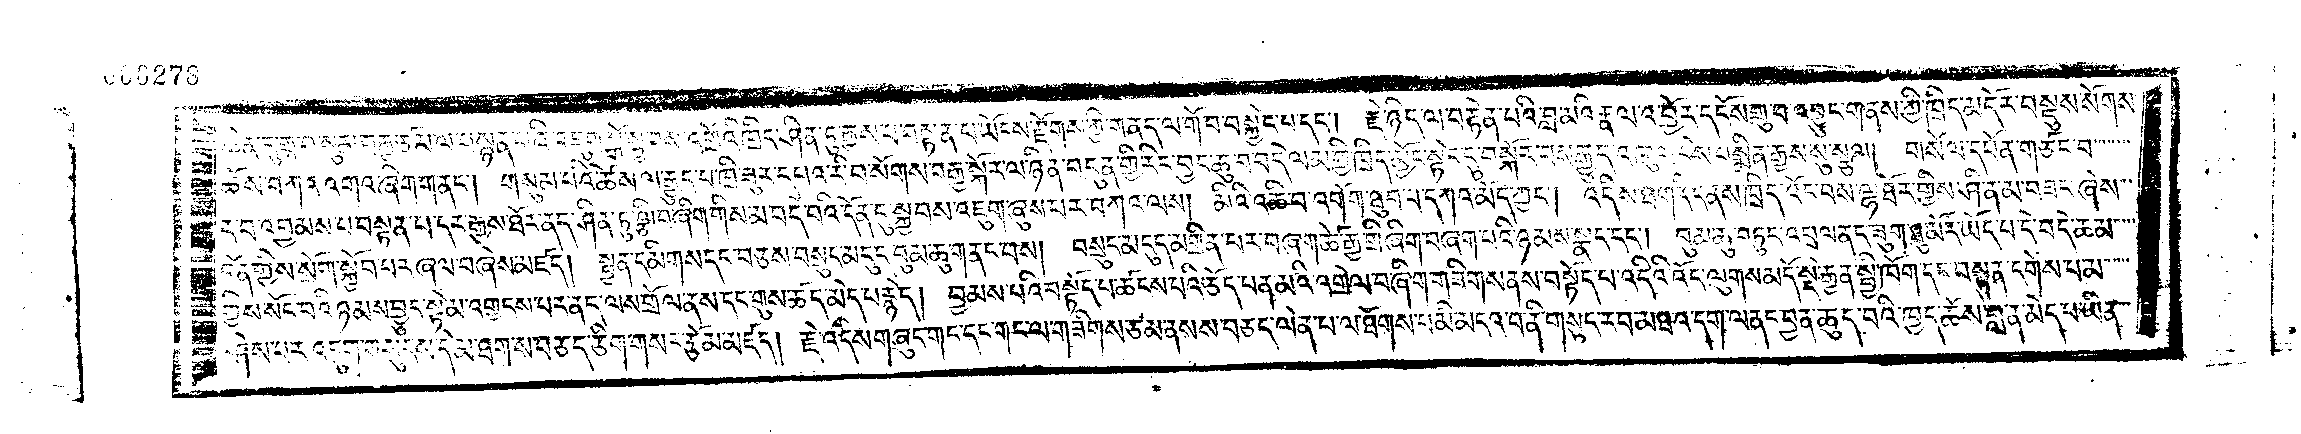ཆེན་དུ་གྲྭ་བ་སུམ་བརྒྱ་རྩམ་ལ་བསྟན་པའི་འཇུག་སྒོ་སྐྱབས་འགྲོའི་ཁྲིད་ཤིན་ཏུ་རྒྱས་པ་བསྟན་པ་ཡོངས་རྫོགས་ཀྱི་གནད་ལ་གོ་བ་བསྐྱེད་པ་དང་། རྗེ་ཉིད་ལ་བརྟེན་པའི་བླ་མའི་རྣལ་འབྱོར་དངོས་གྲུབ་འབྱུང་གནས་ཀྱི་ཁྲིད་མདོར་བསྡུས་སོགས་
ཆོས་བཀའ་འགའ་ཞིག་གནང་། གསུམ་པའི་ཚེས་ལ་རྒྱུད་པ་ཁྲི་ཟུར་དཔའ་རི་བ་སོགས་བརྒྱ་སྐོར་ལ་ཉིན་བདུན་གྱི་རིང་བྱང་ཆུབ་བདེ་ལམ་གྱི་ཁྲིད་མྱོང་སྟེང་དུ་བསྐོར་བས་རྒྱུད་འཁུལ་ངེས་པ་སྨིན་རྒྱས་སུ་སྩལ། གསོལ་དཔོན་གཙང་པ་
རབ་འབྱམས་པ་བསྟན་པ་དར་རྒྱས་ཐོང་ནད་ཤིན་ཏུ་ལྕི་བ་ཞིག་གིས་མ་བདེ་བའི་དོན་དུ་སྐྱབས་འཇུག་ཞུས་པར་བཀའ་ལས། མིའི་འཆི་བ་འགོག་ཐུབ་བ་དཀའ་མོད་ཀྱང་། འདི་ས་ཐག་རིང་ནས་ཁྲིད་འོང་བས་ལྷ་ཐོར་གྱིས་ཤི་ནམ་བཟང་ཞེས་
དོན་གྱིས་སྲོག་སྐྱོབ་པར་ཞལ་བཞེས་མཛད། སྤྱན་དམིགས་དང་བཅས་བསྲུང་མདུད་བུམ་ཆུ་གནང་བས། བསྲུང་མདུད་མགྲིན་པར་བཞག་ཚེ་རྒྱ་གྲི་ཞིག་བཞག་པའི་ཉམས་སྣང་དང་། བུམ་ཆུ་བཏུང་འཕྲལ་ནད་ཟུག་ཐུ་མོར་ཡོད་པ་དེ་བདེ་ཆམ་
གྱིས་སོང་བའི་ཉམས་བྱུང་སྟེ་མ་འགྱངས་པར་ནད་ལས་གྲོལ་ནས་དད་གུས་ཚད་མེད་པ་རྙེད། བྱམས་པའི་བསྟོད་པ་ཚངས་པའི་ཅོད་པན་མའི་འགྲེལ་པ་ཞིག་གཟིགས་ནས་བསྟོད་པ་འདིའི་འོང་ལུགས་མདོ་སྡེ་རྒྱན་སྤྱི་ཁོག་དང་བསྟུན་དགོས་པ་མ་
ཤེས་པར་འདུག་གསུངས་དེ་མ་ཐག་ས་བཅད་ཅིག་གསར་རྩོམ་མཛད། རྗེ་འདིས་གཞུང་གང་དང་གང་ལ་གཟིགས་ཙམ་ནས་ས་བཅད་ལེན་པ་ལ་ཐོགས་པ་མི་མངའ་བ་ནི་གསུང་རབ་མཐའ་དག་ལ་ནང་བྱན་ཆུད་པའི་ཁྱད་ཆོས་བླ་ན་མེད་པ་ཡིན་